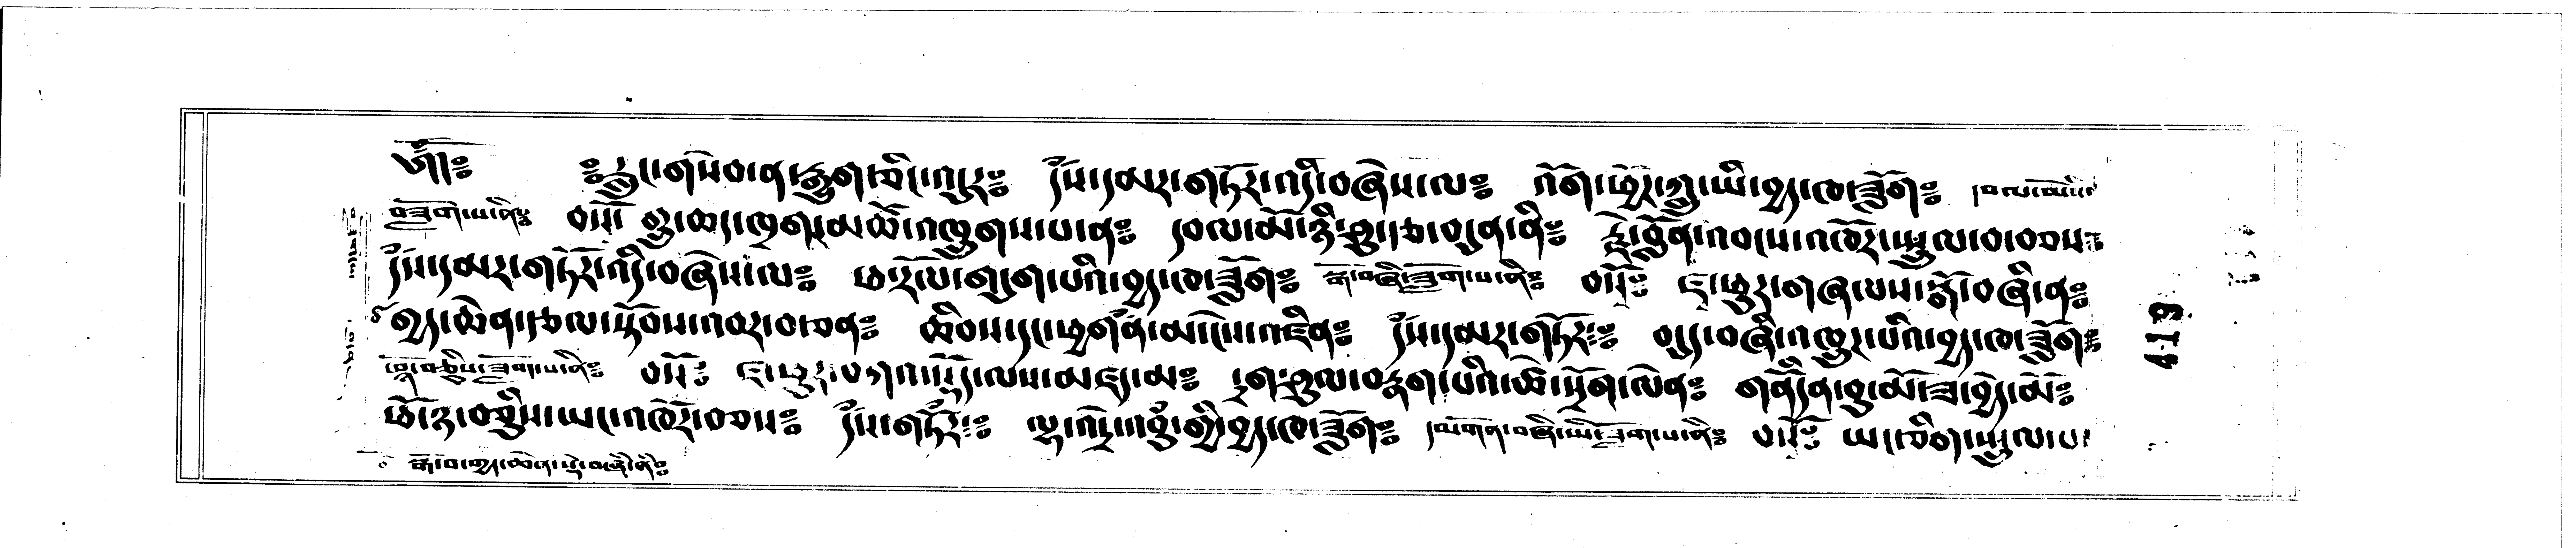༔རླུང་གསེབ་ན་རྒྱུག་ཅིང་འདུར༔དམ་རྫས་དམར་གཏོར་འདི་བཞེས་ལ༔འོག་ཕྱོགས་ཀླུ་ཡི་བྱད་ཁ་ཟློག༔དབལ་མོའི་
བཟློག་པ་ནི༔བསྭོ༔གྲུ་ཆད་ཁྲག་མཚོ་འཁྲུགས་པ་ན༔དབལ་མོ་ཉི་ཤུ་རྩ་བདུན་ནི༔རྗེ་བློན་འབངས་འཁོར་སྤྲུལ་བ་བཅས༔
དམ་རྫས་དམར་གཏོར་འདི་བཞེས་ལ༔ཕ་རོལ་གདུག་པའི་བྱད་ཁ་ཟློག༔སྒོ་བཞི་ཟློག་པ་ནི༔བསྭོ༔ཛྭ་ཕུར་གཞལ་ཡས་སྒོ་བཞི་ན༔ སྒོ་བ་གྱད་ཆེན་སྡེ་བཞི་ནིཿ 
གྱད་ཆེན་རྩལ་སྟོབས་འབར་བ་ཅན༔ཆིབས་དང་ཕྱག་མཚན་མ་ངེས་འཛིན༔དམ་རྫས་དམར་གཏོར་འདི་བཞེས་ལ༔ བདུད་བཞི་འཁྲུགས་པའི་བྱད་ཁ་ཟློག༔
ཕོ་ཉ་བཅུ་གཉིས་ཟློག་པ་ནི༔བསྭོ༔ཛ་ཕུར་བཀའ་སྡོད་ལས་མཛད་མ༔དྲག་ཤུལ་བརྣག་པའི་ཚེ་སྲོག་ལེན༔གནོད་སྦྱིན་བུ་མོ་ཟ་བྱེད་མོ༔
ཕོ་ཉ་བཅུ་གཉིས་ཡང་འཁོར་བཅས༔དམ་རྫས་དམར་གཏོར་འདི་བཞེས་ལ༔ ལྷ་འདྲེ་འབུམ་གྱི་བྱད་ཁ་ཟློག༔དམག་དཔོན་བཞི་ཡི་ཟློག་པ་ནི༔བསྭོ༔ཡང་ཅིག་སྤྲུལ་པ་